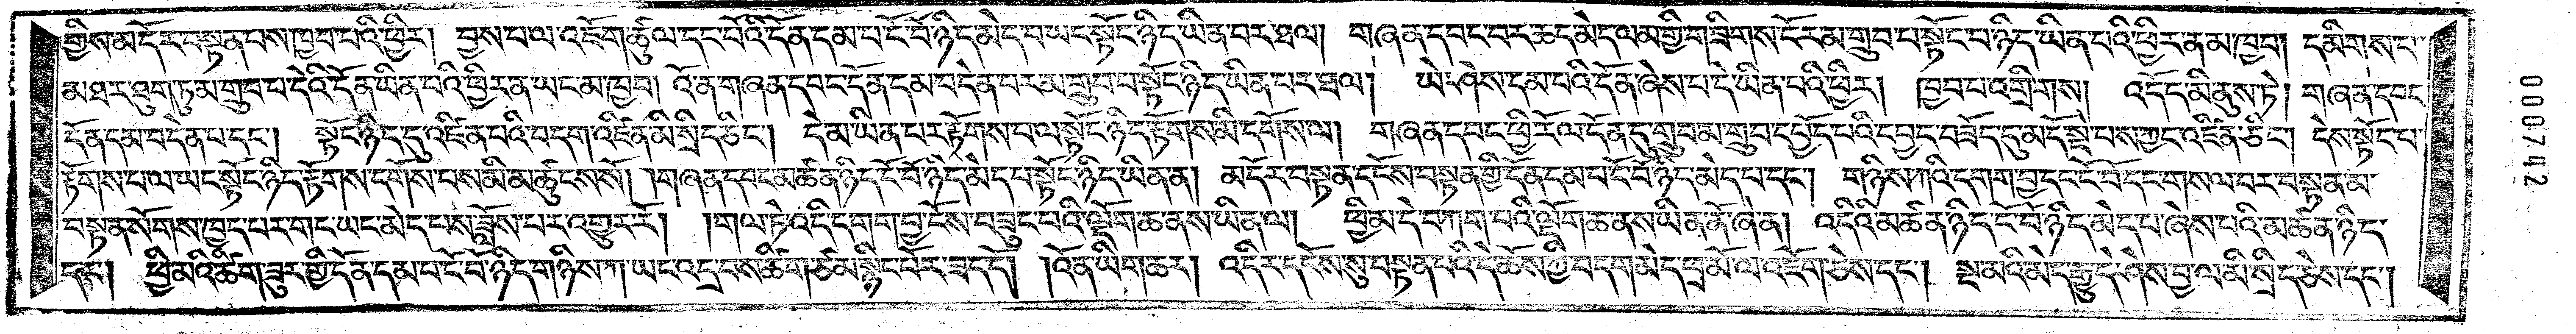གྱིས་མདོར་བསྟན་པས་ཁྱབ་པའི་ཕྱིར། བྱས་པ་ལ་འཇོག་ཚུལ་དང་པོའི་དོན་དམ་པ་ངོ་བོ་ཉིད་མེད་པ་ཡང་སྟོང་ཉིད་ཡིན་པར་ཐལ། གཞན་དབང་བར་ཆད་མེད་ལམ་གྱི་གཟིགས་ངོར་མ་གྲུབ་པ་སྟོང་པ་ཉིད་ཡིན་པའི་ཕྱིར་ན་མ་ཁྱབ། དམིགས་པ་
མཐར་ཐུག་ཏུ་མ་གྲུབ་པ་དེའི་དོན་ཡིན་པའི་ཕྱིར་ན་ཡང་མ་ཁྱབ། འོ་ན་གཞན་དབང་དོན་དམ་བདེན་པར་མ་གྲུབ་པ་སྟོང་ཉིད་ཡིན་པར་ཐལ། ཡེ་ཤེས་དམ་པའི་དོན་ཞེས་པ་དེ་ཡིན་པའི་ཕྱིར། ཁྱབ་པ་འགྲིགས། འདོད་མི་ནུས་ཏེ། གཞན་དབང་
དོན་དམ་བདེན་པ་དང་། སྟོང་ཉིད་དུ་འཛིན་པའི་བདག་འཛིན་མི་སྲིད་ཅིང་། དེ་མ་ཡིན་པར་རྟོགས་པ་ལ་སྟོང་ཉིད་རྟོགས་མི་དགོས་ལ། གཞན་དབང་ཕྱི་རོལ་དོན་དུ་གྲུབ་མ་གྲུབ་དཔྱོད་པའི་དཔྱད་བཟོད་དུ་མདོ་སྡེ་པས་ཀྱང་འཛིན་ཅིང་། དེས་སྟོང་པ་
རྟོགས་པ་ལ་ཡང་སྟོང་ཉིད་རྟོགས་དགོས་པས་མི་མཚུངས་སོ། །གཞན་དབང་མཚན་ཉིད་ངོ་བོ་ཉིད་མེད་པ་སྟོང་ཉིད་ཡིན་ན། མདོར་བསྟན་དངོས་བསྟན་གྱི་དོན་དམ་པ་ངོ་བོ་ཉིད་མེད་པ་དང་། གཉིས་ཀའི་དགག་བྱ་དང་ངོ་བོ་དང་གསལ་བར་བསྟན་མ་
བསྟན་སོགས་ཁྱད་པར་གང་ཡང་མེད་པས་ཟློས་པར་འགྱུར་རོ། །གལ་ཏེ་འདི་དགག་བྱ་ངོས་བཟུང་པའི་ལྡོག་ཆ་ནས་ཡིན་ལ། ཕྱི་མ་དེ་བཀག་པའི་ལྡོག་ཆ་ནས་ཡིན་ནོ་ཞེ་ན། འདིའི་མཚན་ཉིད་ངོ་བོ་ཉིད་མེད་པ་ཞེས་པའི་མཚན་ཉིད་
དང་། ཕྱི་མའི་ཚིག་ཟུར་གྱི་དོན་དམ་པ་ངོ་བོ་ཉིད་གཉིས་ཀ་ཡང་འདྲ་བས་ཚིག་ཙམ་སྙིང་པོར་ཟད་དོ། །འོ་ན་ཡིག་ཆར། འདིར་དངོས་སུ་བསྟན་པའི་དེ་ཆོས་ཀྱི་བདག་མེད་ཕྲ་མོ་ལ་འཇོག་ཅེས་དང་། སྔ་མའི་མེད་རྒྱུ་དེ་ཤེས་བྱ་ལ་མི་སྲིད་ཅེས་དང་།